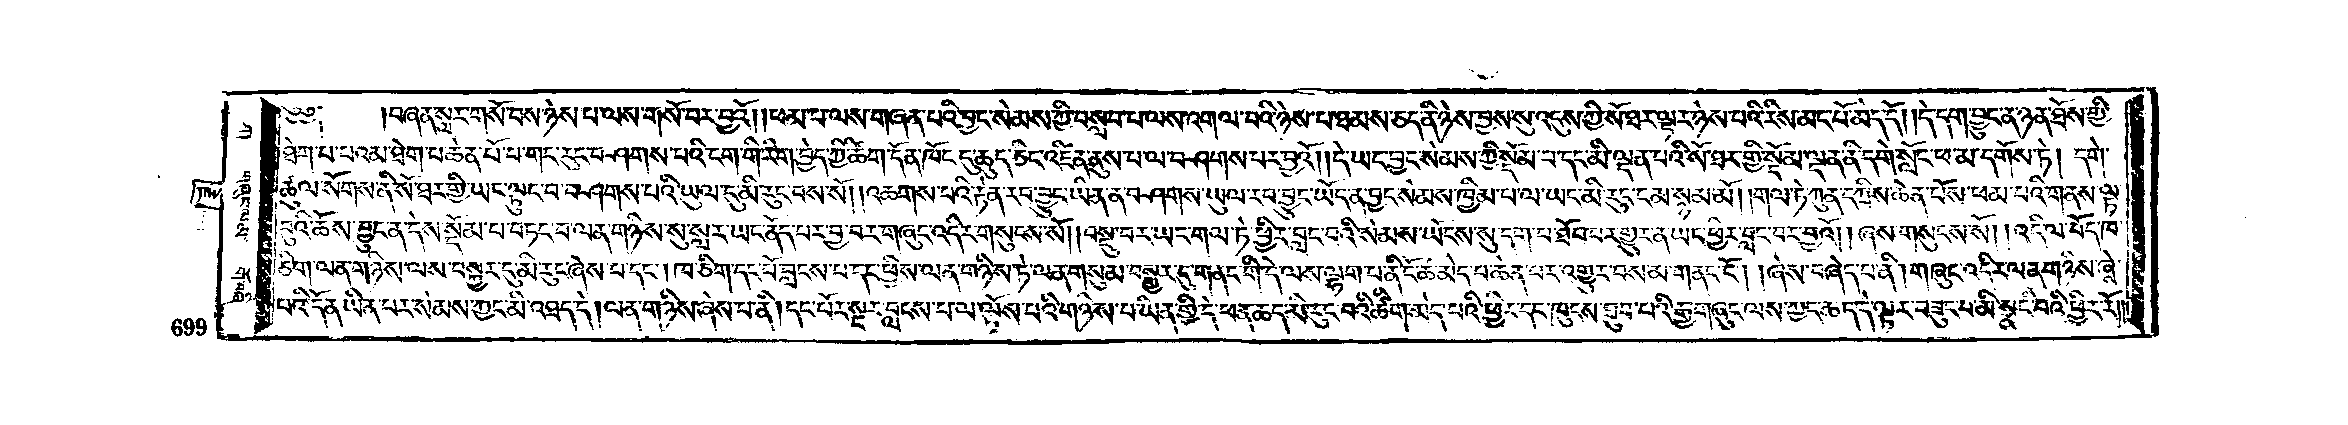༄༅། །བཞན་སླར་གསོ་བས་ཉེས་པ་ལས་གསོ་བར་བྱའོ། །ཕམ་པ་ལས་གཞན་པའི་བྱང་སེམས་ཀྱི་བསླབ་པ་ལས་འགལ་བའི་ཉེས་པ་ཐམས་ཅད་ནི་ཉེས་བྱས་སུ་འདུས་ཀྱི་སོ་ཐར་ལྟར་ཉེས་པའི་རིས་མང་པོ་མེད་དོ། །དེ་དག་བྱུང་ན་ཉན་ཐོས་གྱི་
ཐེག་པ་པའམ་ཐེག་པ་ཆེན་པོ་པ་གང་རུང་བཤགས་པའི་ངག་གི་རིག་བྱེད་ཀྱི་ཚིག་དོན་ཁོང་དུ་ཆུད་ཅིང་འཛིན་ནུས་པ་ལ་བཤགས་པར་བྱའོ། །དེ་ཡང་བྱང་སེམས་ཀྱི་སྡོམ་པ་དང་མི་ལྡན་པའི་སོ་ཐར་གྱི་སྡོམ་ལྡན་ནི་དགེ་སློང་ཕ་མ་དགོས་ཏེ། དགེ་
ཚུལ་སོགས་ནི་སོ་ཐར་གྱི་ཡང་ལྟུང་བ་བཤགས་པའི་ཡུལ་དུ་མི་རུང་བས་སོ། །འཆགས་པའི་རྟེན་རབ་བྱུང་ཡིན་ན་བཤགས་ཡུལ་རབ་བྱུང་ཡོད་ན་བྱང་སེམས་ཁྱིམ་པ་ལ་ཡང་མི་རུང་ངམ་སྙམ་མོ། །གལ་ཏེ་ཀུན་དཀྲིས་ཆེན་པོས་ཕམ་པའི་གནས་ལྟ་
བུའི་ཆོས་བྱུང་ན་དེས་སྡོམ་པ་བཏང་བ་ལན་གཉིས་སུ་སླར་ཡང་ནོད་པར་བྱ་བར་གཞུང་འདིར་གསུངས་སོ། །བསྡུ་བར་ཡང་གལ་ཏེ་ཕྱིར་བླང་བའི་སེམས་ཡོངས་སུ་དག་པ་ཐོབ་པར་གྱུར་ན་ཡང་ཕྱིར་བླང་བར་བྱའོ། །ཞས་གསུངས་སོ། །འདི་ལ་བོད་ཁ་
ཅིག་ལན་གཉིས་ལས་བསྐྱར་དུ་མི་རུང་ཞེས་པ་དང་། ཁ་ཅིག་དང་པོ་བླངས་པ་དང་ཕྱིས་ལན་གཉིས་ཏེ་ལན་གསུམ་བསྒྱར་དུ་གནང་གི་དེ་ལས་ལྷག་པ་ནི་ངོ་ཚ་མེད་པ་ཆེན་པར་འགྱུར་བས་མ་གནང་ངོ། །ཞེས་བཞེད་པ་ནི། གཞུང་འདིར་ལན་གཉིས་ཞེས་
པའི་དོན་ཡིན་པར་སེམས་ཀྱང་མི་འཐད་དེ། ལན་གཉིས་ཞེས་པ་ནི། དང་པོར་སྔར་བླངས་པ་ལ་ལྟོས་པའི་གཉིས་པ་ཡིན་གྱི་དེ་ཕན་ཆད་མི་རུང་བའི་ཚིག་མེད་པའི་ཕྱིར་དང་ཁུངས་ཐུབ་པའི་རྒྱ་གཞུང་ལས་ཀྱང་ཆད་དེ་ལྟར་བཟུང་པ་མི་སྣང་བའི་ཕྱིར་རོ།།